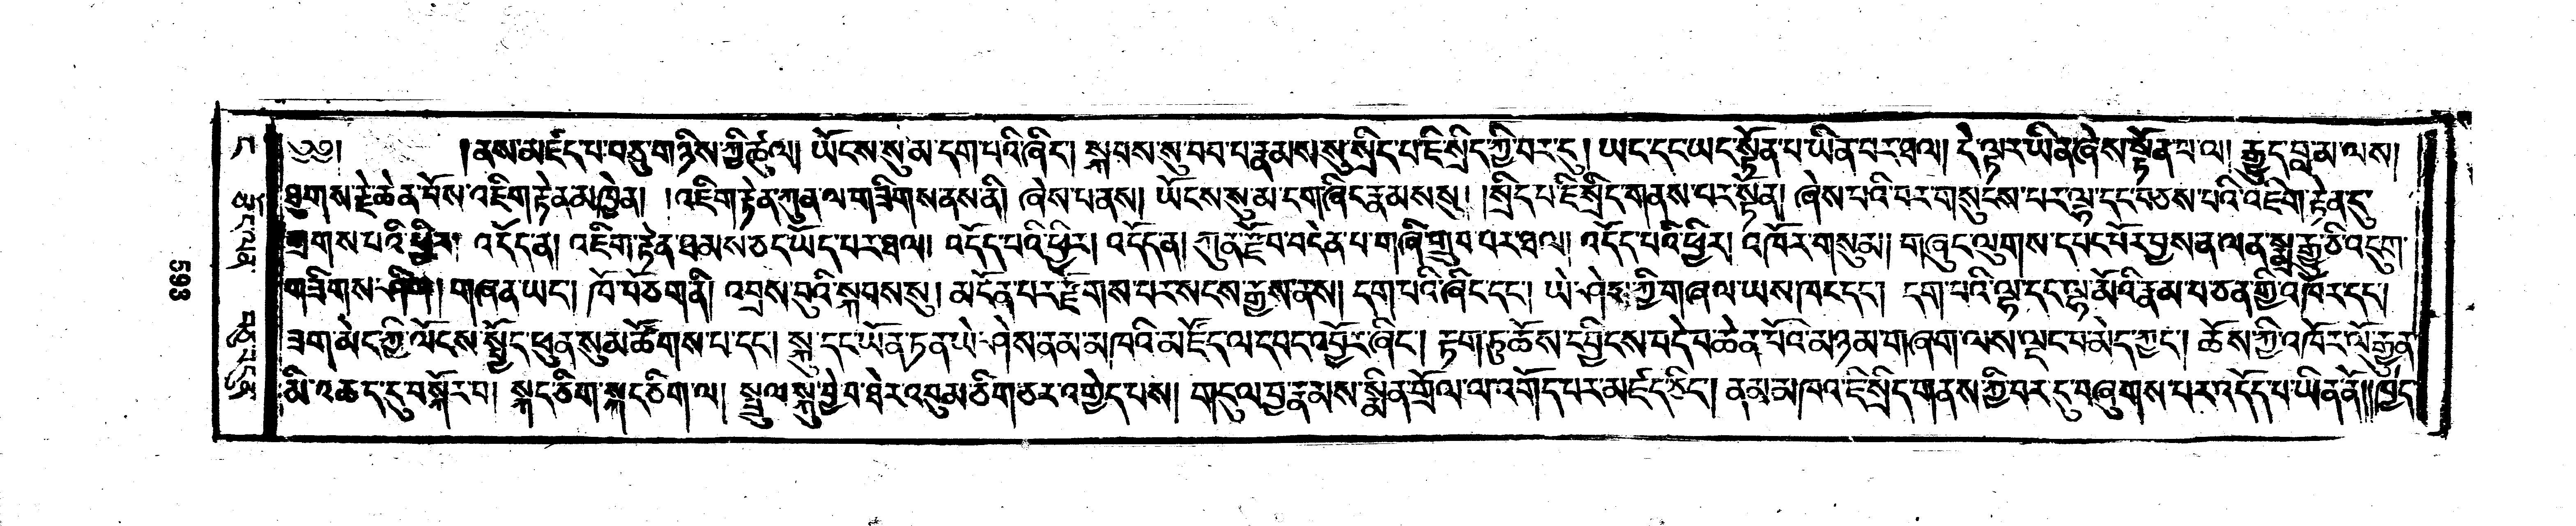༄༅། །ནས་མཛད་པ་བཅུ་གཉིས་ཀྱི་ཚུལ། ཡོངས་སུ་མ་དག་པའི་ཞིང་། སྐབས་སུ་བབ་པ་རྣམས་སུ་སྲིད་པ་ཇི་སྲིད་ཀྱི་བར་དུ། ཡང་དང་ཡང་སྟོན་པ་ཡིན་པར་ཐལ། དེ་ལྟར་ཡིན་ཞེས་སྟོན་པ་ལ། རྒྱུད་བླ་མ་ལས།
ཐུགས་རྗེ་ཆེན་པོས་འཇིག་རྟེན་མཁྱེན། །འཇིག་རྟེན་ཀུན་ལ་གཟིགས་ནས་ནི། ཞེས་པ་ནས། ཡོངས་སུ་མ་དག་ཞིང་རྣམས་སུ། །སྲིད་པ་ཇི་སྲིད་གནས་པར་སྟོན། ཞེས་པའི་བར་གསུངས་པར་ལྷ་དང་བཅས་པའི་འཇིག་རྟེན་དུ་
གྲགས་པའི་ཕྱིར། འདོད་ན། འཇིག་རྟེན་ཐམས་ཅད་ཡོད་པར་ཐལ། འདོད་པའི་ཕྱིར། འདོད་ན། ཀུན་རྫོབ་བདེན་པ་གཞི་གྲུབ་པར་ཐལ། འདོད་པའི་ཕྱིར། འཁོར་གསུམ། གཞུང་ལུགས་དབང་པོར་བྱས་ན་ལན་སྨྲ་རྒྱུ་ཅི་འདུག་
གཟིགས་ཤིག །གཞན་ཡང་། ཁོ་བོ་ཅག་ནི། འབྲས་བུའི་སྐབས་སུ། མངོན་པར་རྫོགས་པར་སངས་རྒྱས་ནས། དག་པའི་ཞིང་དང་། ཡེ་ཤེས་ཀྱི་གཞལ་ཡས་ཁང་དང་། དག་པའི་ལྷ་དང་ལྷ་མོའི་རྣམ་པ་ཅན་གྱི་འཁོར་དང་།
ཟག་མེད་ཀྱི་ལོངས་སྤྱོད་ཕུན་སུམ་ཚོགས་པ་དང་། སྐུ་དང་ཡོན་ཏན་ཡེ་ཤེས་ནམ་མཁའི་མཛོད་ལ་དབང་འབྱོར་ཞིང་། རྟག་ཏུ་ཆོས་དབྱིངས་བདེ་བ་ཆེན་པོའི་མཉམ་གཞག་ལས་ལྡང་བ་མེད་ཀྱང་། ཆོས་ཀྱི་འཁོར་ལོ་རྒྱུན་
མི་འཆད་དུ་བསྐོར་བ། སྐད་ཅིག་སྐད་ཅིག་ལ། སྤྲུལ་སྐུ་བྱེ་བ་ཐེར་འབུམ་ཅིག་ཅར་འགྱེད་པས། གདུལ་བྱ་རྣམས་སྨིན་གྲོལ་ལ་འགོད་པར་མཛད་ཅིང་། ནམ་མཁའ་ཇི་སྲིད་གནས་ཀྱི་བར་དུ་བཞུགས་པར་འདོད་པ་ཡིན་ནོ། །ཁྱེད་